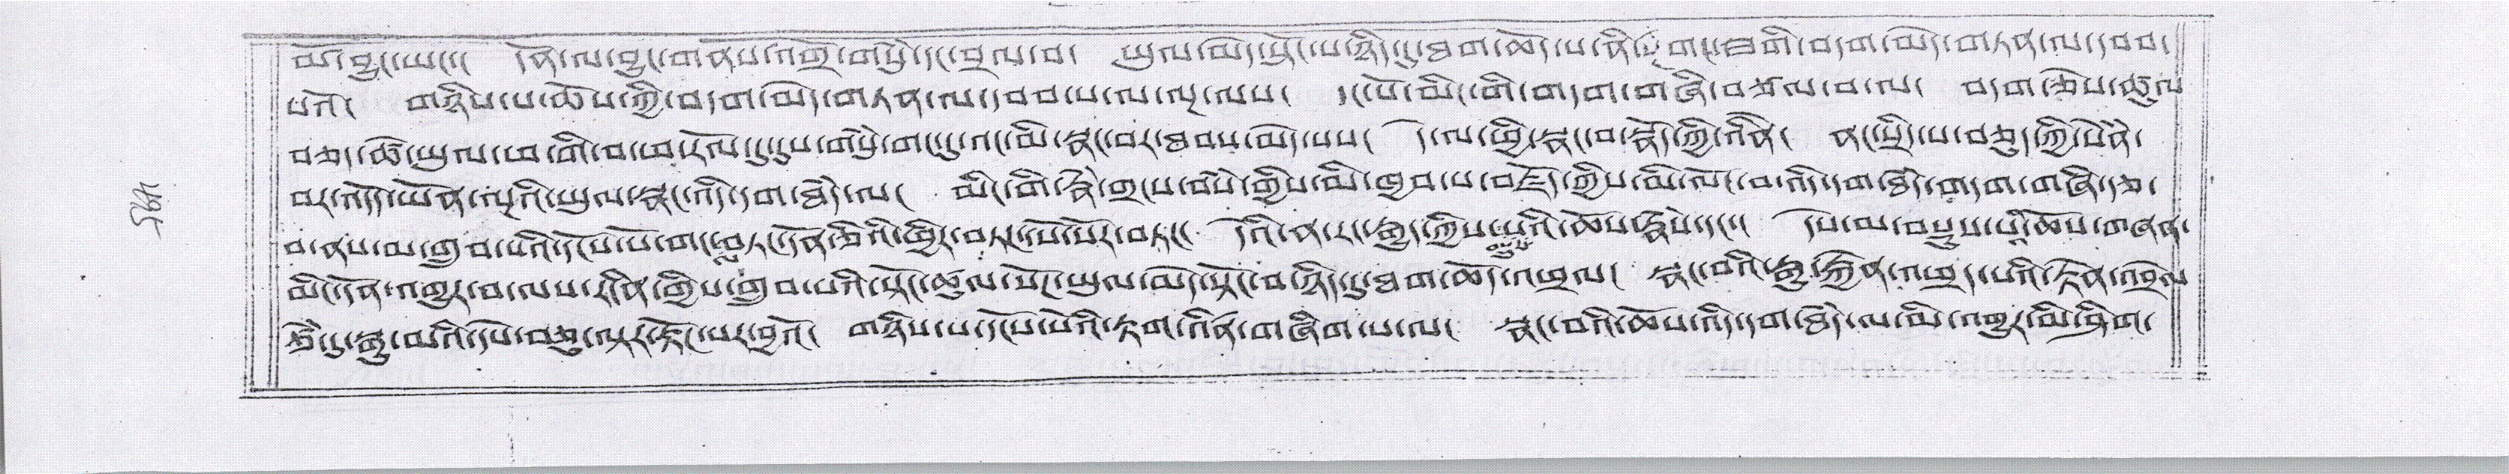མཚོ་བྱུང་ཡང་། དོན་ལ་བྱུང་གནས་འགྲོ་གསུམ་དང་བྲལ་བ། ཡུལ་མེད་སྟོང་པ་ཉིད་དུ་ཐག་ཆོད་པ་ནི། གང་ཟག་གི་བདག་མེད་གཏན་ལ་དབབ་
པའོ། །གཉིས་པ་ཆོས་ཀྱི་བདག་མེད་གཏན་ལ་དབབ་པ་ལ་ལྔ་ལས། དང་པོ་མིང་གི་གདགས་གཞི་བཙལ་བ་ལ། བདག་ཅེས་ཚུར་
བཅད་ཚེ་ཡུལ་ཕ་གི་བ་ཕ་རོལ་ཏུ་དུས་གསུམ་གང་དུའང་མི་སྣང་བར་ཐབས་མེད་པས། དེ་ལ་ཕྱི་སྣང་བ་སྣོད་ཀྱི་འཇིག་རྟེན། ནང་སྲིད་པ་བཅུད་ཀྱི་སེམས་ཅན། 
བར་འདོད་ཡོན་ལྔ་ཡི་ཡུལ་སྣང་འདི་དག་ཐམས་ཅད་ལ། མིང་གི་རྣམ་གྲངས་བསམ་གྱིས་མི་ཁྱབ་པ་བརྗོད་ཀྱིས་མི་ལང་བ་འདི་དག་ཐམས་ཅད་གདགས་གཞི་རྩ་
བ་ནས་མ་གྲུབ་པའི་དངོས་པོ་གང་ལ་བཏགས་དོན་ཅིའི་ཕྱིར་བཏགས་སོ་སོར་བཏགས། དེས་ན་རང་རྒྱུད་ཀྱིས་བསྡུས་པའི་ཆོས་རྣམས་དང་། དེས་མ་བསྡུས་པའི་ཆོས་གཞན་
མིང་དོན་འགྱུར་བ་ལས་རང་བཞིན་གྱིས་གྲུབ་པའི་སྟོང་ཚུལ་སོགས་ཡུལ་མེད་སྟོང་པ་ཉིད་དུ་ཐག་ཆོད་འཕྲལ། སྣང་བའི་རྒྱུ་རྐྱེན་དང་འཕྲད་པའི་རྟེན་འབྲེལ་
ཙམ་དུ་སྒྱུ་མའི་དཔེ་བཅུ་ལྟར་རྟོགས་པར་བྱའོ། །གཉིས་པ་དངོས་པོའི་རྟག་འཛིན་གཞིག་པ་ལ། སྣང་བའི་ཆོས་འདི་དག་ཐམས་ཅད་ལ་མི་འགྱུར་མི་ཤིག་